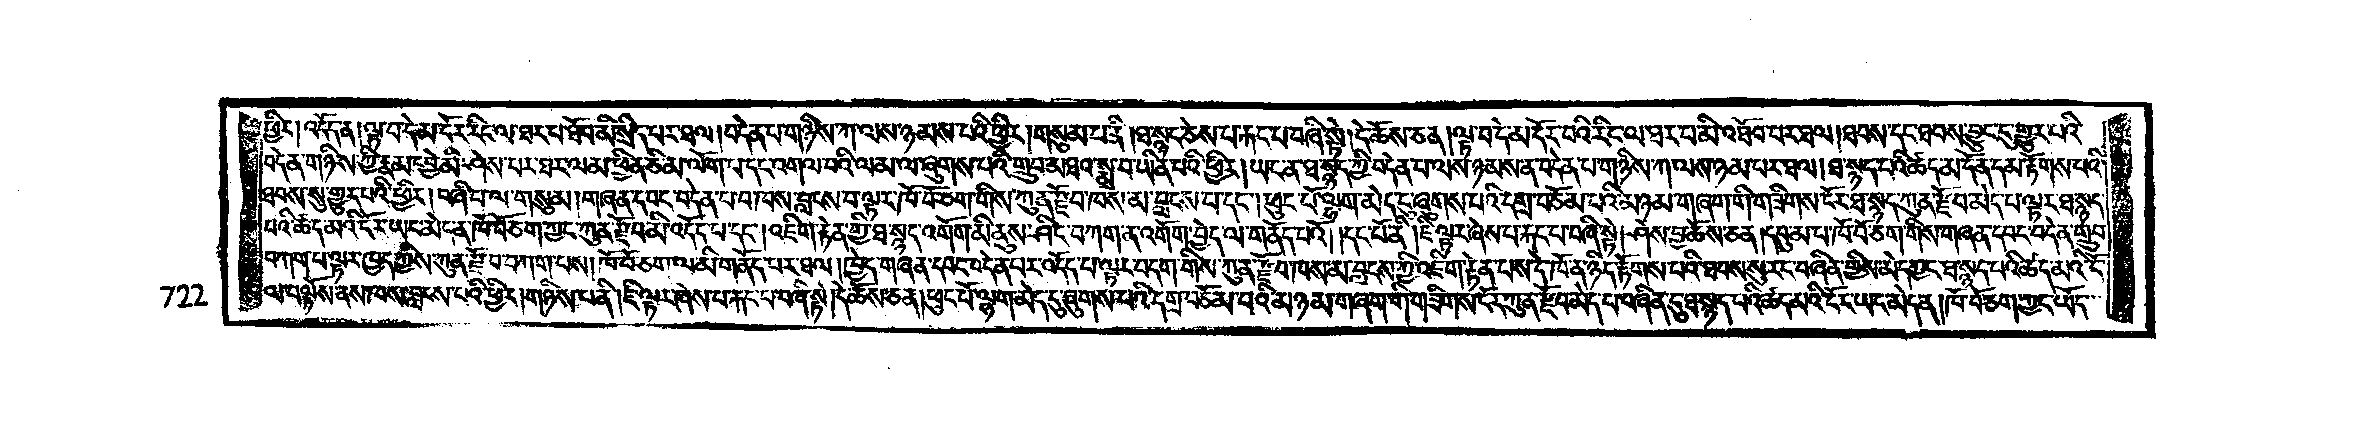ཕྱིར། འདོད་ན། ལྟ་བ་དེ་མ་དོར་རིང་ལ་ཐར་པ་ཐོབ་མི་སྲིད་པར་ཐལ། བདེན་པ་གཉིས་ཀ་ལས་ཉམས་པའི་ཕྱིར། གསུམ་པ་ནི། ཐ་སྙད་ཅེས་པ་རྐང་པ་བཞི་སྟེ། དེ་ཆོས་ཅན། ལྟ་བ་དེ་མ་དོར་བའི་རིང་ལ་ཐར་བ་མི་འཐོབ་པར་ཐལ། ཐབས་དང་ཐབས་བྱུང་དུ་གྱུར་པའི་
བདེན་གཉིས་ཀྱི་རྣམ་དབྱེ་མི་ཤེས་པར་ཐར་ལམ་ཕྱིན་ཅི་མ་ལོག་པ་དང་འགལ་བའི་ལམ་ལ་ཞུགས་པའི་གྲུབ་མཐའ་སྨྲ་བ་ཡིན་པའི་ཕྱིར། ཡང་ན་ཐ་སྙད་ཀྱི་བདེན་པ་ལས་ཉམས་ན་བདེན་པ་གཉིས་ཀ་ལས་ཉམ་པར་ཐལ། ཐ་སྙད་པའི་ཚད་མ་དོན་དམ་རྟོགས་པའི་
ཐབས་སུ་གྱུར་པའི་ཕྱིར། བཞི་པ་ལ་གསུམ། གཞན་དབང་བདེན་པ་བ་ཁས་བླངས་པ་ལྟར་ཁོ་བོ་ཅག་གིས་ཀུན་རྫོབ་ཁས་མ་བླངས་པ་དང་། ཕུང་པོ་ལྷག་མེད་དུ་ཞུགས་པའི་དགྲ་བཅོམ་པའི་མཉམ་གཞག་གི་གཟིགས་ངོར་ཐ་སྙད་ཀུན་རྫོབ་མེད་པ་ལྟར་ཐ་སྙད་
པའི་ཚད་མའི་ངོར་ཡང་མེད་ན་ཁོ་བོ་ཅག་ཀྱང་ཀུན་རྫོབ་མི་འདོད་པ་དང་། འཇིག་རྟེན་གྱི་ཐ་སྙད་འགོག་མི་ནུས་ཤིང་བཀག་ན་འགོག་བྱེད་ལ་གནོད་པའོ། །དང་པོ་ནི། ཇི་ལྟར་ཞེས་པ་རྐང་པ་བཞི་སྟེ། ཤེས་བྱ་ཆོས་ཅན། དབུ་མ་པ་ཁོ་བོ་ཅག་གིས་གཞན་དབང་བདེན་གྲུབ་
བཀག་པ་ལྟར་ཁྱད་ཀྱིས་ཀུན་རྫོབ་བཀག་པས། ཁོ་བོ་ཅག་ལ་མི་གནོད་པར་ཐལ། ཁྱེད་གཞན་དབང་བདེན་པར་འདོད་པ་ལྟར་བདག་གིས་ཀུན་རྫོབ་ཁས་མ་བླངས་ཀྱི་འཇིག་རྟེན་པས་དེ་ཁོ་ན་ཉིད་རྟོགས་པའི་ཐབས་སུ་རང་བཞིན་གྱིས་མེད་ཀྱང་ཐ་སྙད་པའི་ཚད་མའི་ངོ་
ལ་བལྟོས་ནས་ཁས་བླངས་པའི་ཕྱིར། གཉིས་པ་ནི། ཇི་ལྟར་ཞེས་པ་རྐང་པ་བཞི་སྟེ། དེ་ཆོས་ཅན། ཕུང་པོ་ལྷག་མེད་དུ་ཞུགས་པའི་དགྲ་བཅོམ་པའི་མཉམ་གཞག་གི་གཟིགས་ངོར་ཀུན་རྫོབ་མེད་པ་བཞིན་དུ་ཐ་སྙད་པའི་ཚད་མའི་ངོར་ཡང་མེད་ན། ཁོ་བོ་ཅག་ཀྱང་ཡོད་